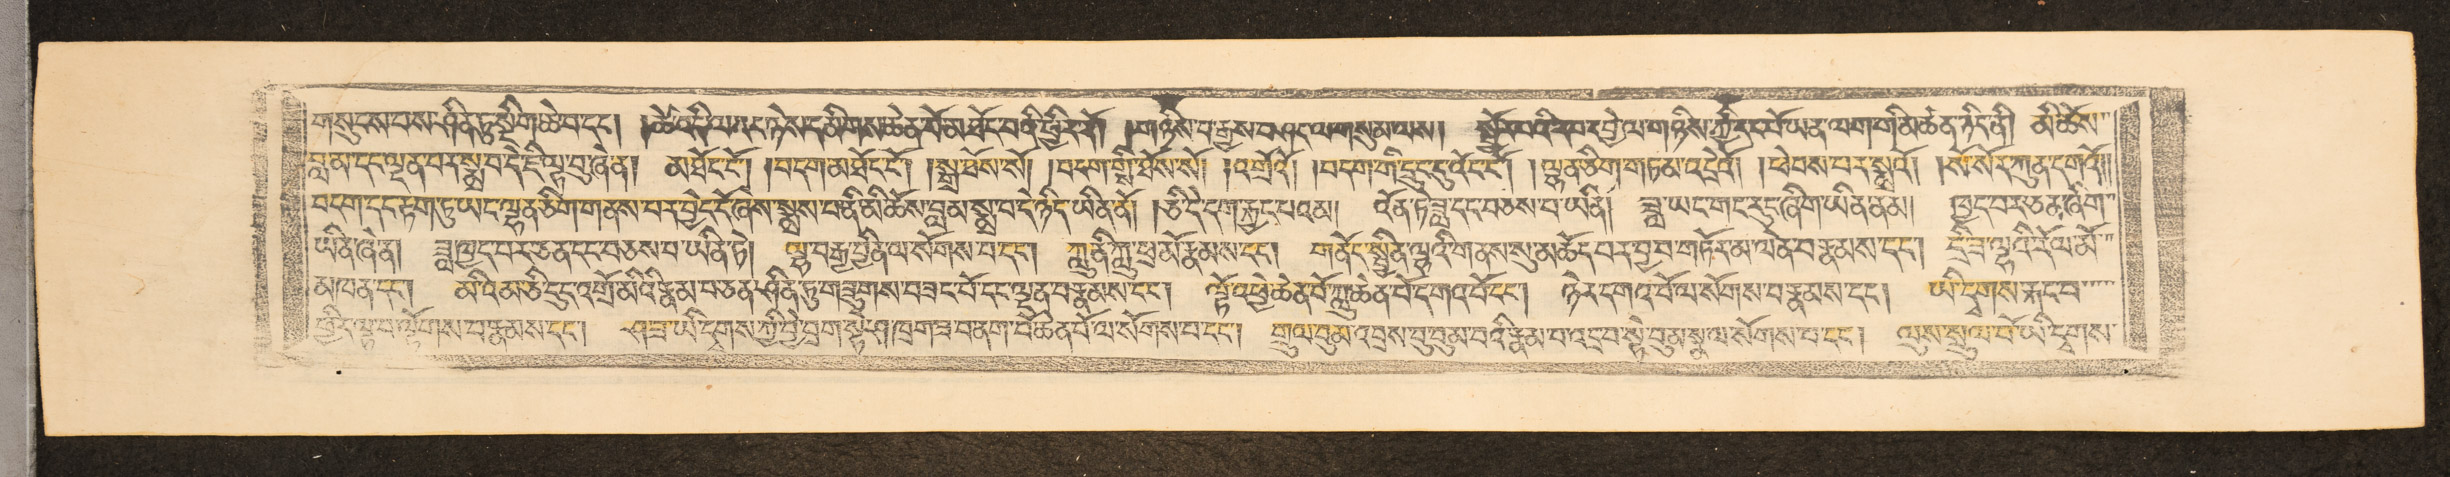གསུངས་པས་ཤིན་ཏུ་སྡིག་ཆེ་བ་དང་། ཚེ་འདི་ལའང་ཉེས་དམིགས་ཆེན་པོ་མཐོང་བའི་ཕྱིར་རོ། །གཉིས་པ་རྒྱས་བཤད་ལ་གསུམ་ལས། སྦྱོར་བའི་རབ་དབྱེ་ལ་གཉིས་ཀྱི་དང་པོ་ཡན་ལག་གི་མཚན་ཉིད་ནི། མི་ཆོས་
བླ་མ་དང་ལྡན་པར་སྨྲ་བ་དེ་ཇི་ལྟ་བུ་ཞེ་ན། མཐོང་ངོ། །བདག་མཐོང་ངོ། །སྒྲ་ཐོས་སོ། །བདག་གིས་ཐོས་སོ། །འགྲོའོ། །བདག་གི་དྲུང་དུ་འོང་ངོ། །ལྷན་ཅིག་གཏམ་འདྲེའོ། །ཕེབས་པར་སྨྲའོ། །སོ་སོར་ཀུན་དགའོ།།
བདག་དང་རྟག་ཏུ་ཡང་ལྷན་ཅིག་གནས་པར་བྱེད་དོ་ཞེས་སྨྲས་པ་ནི་མི་ཆོས་བླ་མ་སྨྲ་བ་དེ་ཉིད་ཡིན་ནོ། །ཅི་དེ་དག་རྐྱང་པའམ། འོན་ཏེ་ཟླ་དང་བཅས་པ་ཡིན། ཟླ་ཡང་གང་རུང་ཞིག་ཡིན་ནམ། ཁྱད་པར་ཅན་ཞིག་
ཡིན་ཞེ་ན། ཟླ་ཁྱད་པར་ཅན་དང་བཅས་པ་ཡིན་ཏེ། ལྷ་བརྒྱ་བྱིན་ལ་སོགས་པ་དང་། ཀླུ་ནི་ཀླུ་ཕྲ་མོ་རྣམས་དང་། གནོད་སྦྱིན་ལྷའི་གནས་སུ་མཆོད་པར་བྱ་བ་གཏོར་མ་ལེན་པ་རྣམས་དང་། དྲི་ཟ་ལྷའི་རོལ་མོ་
མཁན་དང་། མི་འམ་ཅི་དུད་འགྲོ་མིའི་རྣམ་བ་ཅན་ཤིན་ཏུ་གཟུགས་བཟང་པོ་དང་ལྡན་པ་རྣམས་དང་། ལྟོ་འཕྱེ་ཆེན་པོ་ཀླུ་ཆེན་པོ་དགའ་བོ་དང་། ཉེར་དགའ་བོ་ལ་སོགས་པ་རྣམས་དང་། ཡི་དྭགས་རྐང་པ་
ཕྱིར་ལྟ་བ་ལྟོགས་པ་རྣམས་དང་། ཤ་ཟ་ཡི་དྭགས་ཀྱི་བྱེ་བྲག་སྟེ་ཤ་ཁྲག་ཟ་བ་ནག་པོ་ཆེན་པོ་ལ་སོགས་པ་དང་། གྲུལ་བུམ་འབྲས་བུ་བུམ་པའི་རྣམ་པ་འདྲ་བ་སྟེ་བུམ་སྣ་ལ་སོགས་པ་དང་། ལུས་སྲུལ་པོ་ཡི་དྭགས་